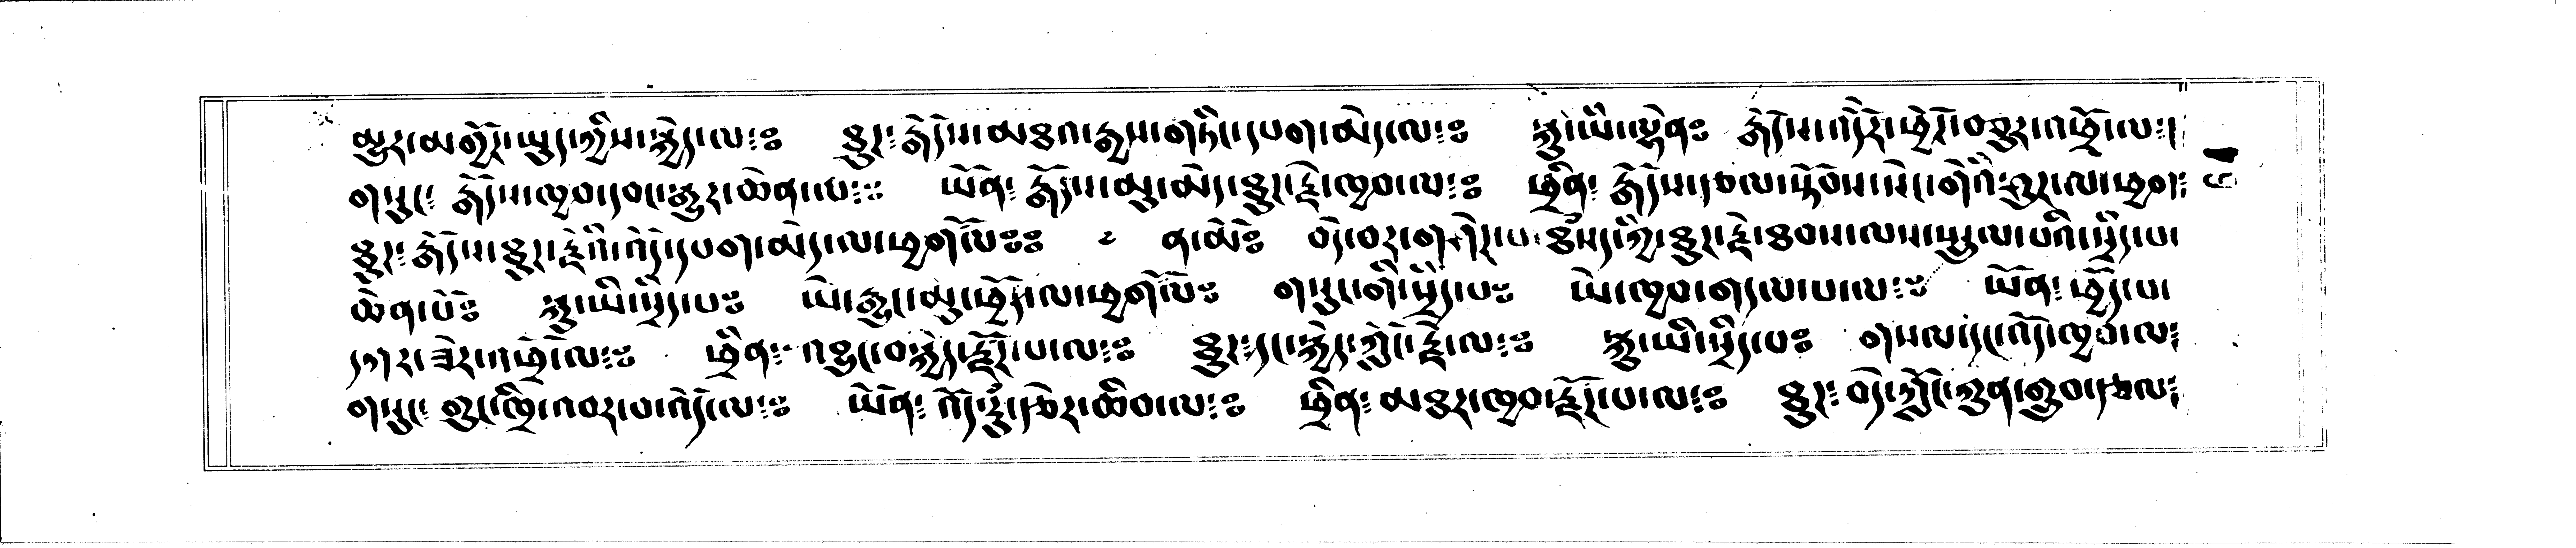མྱུར་མགྱོགས་ཡུད་ཀྱིས་སྐྱོད་ལ་ཕྱག་འཚལ་ལོཿ ཐུགས་ཀྱི་ལྷ་ཆེནཿ རྒོད་གསས་མཐའ་རྒྱས་གཏིང་དཔག་མེད་ཕྱག་འཚལ་ལོཿ སྐུ་ཡི་ལྷ་ཆེནཿ རྒོད་གསས་འོད་ཟེར་ཕྱོགས་བཅུར་འཕྲོ་ལ་ཕྱག་འཚལ་ལོཿ 
གསུང་གི་ལྷ་ཆེནཿ རྒོད་གསས་ཁྱབ་དབང་སྒྱུར་ཆེན་ལ་ཕྱག་འཚལ་ལོཿ ཡོན་ཏན་གྱི་ལྷ་ཆེནཿ རྒོད་གསས་མུ་མེད་ཐུགས་རྗེས་ཁྱབ་ལ་ཕྱག་འཚལ་ལོཿ ཕྲིན་ལས་ཀྱི་ལྷ་ཆེནཿ རྒོད་གསས་རྩལ་སྟོབས་སེང་གེའི་ཤུགས་ལ་ཕྱག་འཚལ་ལོཿ 
ཐུགས་ཀྱི་ལྷ་ཆེནཿ རྒོད་གསས་ཐུགས་རྗེའི་འོད་དཔག་མེད་ལ་ཕྱག་འཚལ་ལོཿ ན་མོ་བདེ་བར་གཤེགས་པ་ཐམས་ཅད་ཀྱི་ཐུགས་རྗེ་ཐབས་ལས་སྤྲུལ་པའི་སྲིད་པ་
ཆེན་པོཿ སྐུ་ཡི་སྲིད་པཿ ཡེ་རྒྱུང་མུ་ཕྱོད་ལ་ཕྱག་འཚལ་ལོཿ གསུང་གི་སྲིད་པཿ ཡེ་ཁྱབ་བདལ་པ་ལ་ཕྱག་འཚལ་ལོཿ ཡོན་ཏན་གྱི་སྲིད་པཿ ཕྱོད་པ་དཀར་ཟེར་འཕྲོ་ལ་ཕྱག་
འཚལ་ལོཿ ཕྲིན་ལས་ཀྱི་སྲིད་པཿ འབྱུང་བསྐྱེད་རྫོགས་པ་ལཿ ཕྱག་འཚལ་ལོཿ ཐུགས་ཀྱི་སྲིད་པཿ དང་སྐྱེད་ཀློང་རྗེ་ལ་ཕྱག་འཚལ་ལོཿ སྐུ་ཡི་སྲིད་པཿ གསལ་དང་འོད་ཁྱབ་ལ་
གསུང་གི་སྲིད་པཿ གུང་ཁྲི་འབར་བ་འོད་ལ་ཕྱག་འཚལ་ལོཿ ཡོན་ཏན་གྱི་སྲིད་པཿ འོད་རུམ་རྩེར་ཆིབས་ལ་ཕྱག་འཚལ་ལོཿ ཕྲིན་ལས་ཀྱི་སྲིད་པཿ མཐར་ཁྱབ་རྫོགས་པ་ལ་ཕྱག་འཚལ་ལོཿ ཐུགས་ཀྱི་སྲིད་པཿ བདེ་ཀློང་ཀུན་གྲུབ་རྩལ་ལ་ཕྱག་འཚལ་ལོཿ